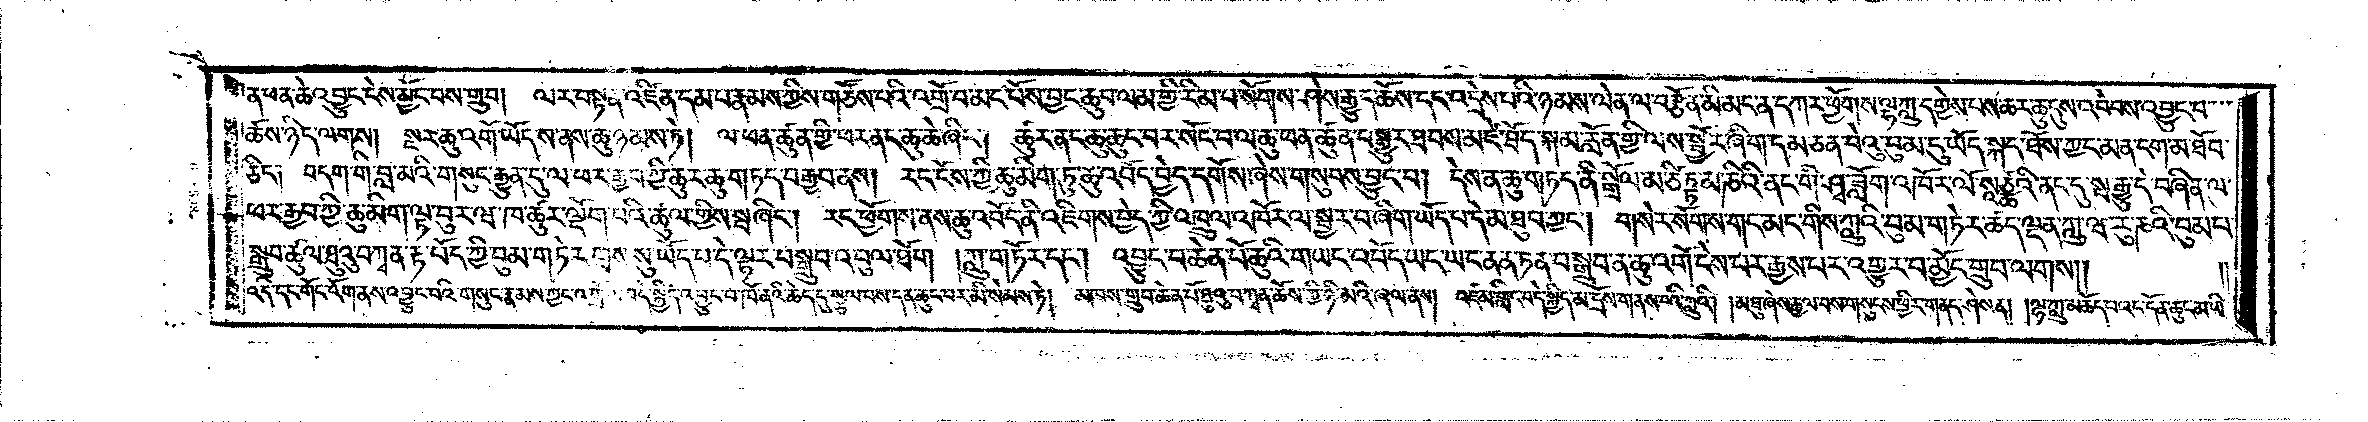ན་ཕན་ཆེ་འབྱུང་ངེས་མྱོང་བས་གྲུབ། ལར་བསྟན་འཛིན་དམ་པ་རྣམས་ཀྱིས་གཙོས་པའི་འགྲོ་བ་མང་པོས་བྱང་ཆུབ་ལམ་གྱི་རིམ་པ་སོགས་ཤེས་རྒྱུད་ཆོས་དང་འདྲེས་པའི་ཉམས་ལེན་ལ་བརྩོན་མི་མང་ན་དཀར་ཕྱོགས་ལྷ་ཀླུ་དགྱེས་པས་ཆར་ཆུ་དུས་འབེབས་འབྱུང་བ་
ཆོས་ཉིད་ལགས། སྔར་ཆུ་འགོ་ཡོད་ས་ནས་ཆུ་ཉམས་ཏེ། ལ་ཕན་ཚུན་གྱི་ཕར་ནང་ཆུ་ཆེ་ཞིང་། ཚུར་ནང་ཆུ་ཆུང་བར་སོང་བ་ལ་ཆུ་ཕན་ཚུན་བསྒྱུར་ཐབས་མཛེ་ཐོད་སྐམ་རློན་གྱི་ལས་སྦྱོར་ཞིག་དམ་ཅན་བེའུ་བུམ་དུ་ཡོད་སྐད་ཐོས་ཀྱང་མན་ངག་མ་ཐོབ་
ཕ༹ཅིང༑ བདག་གི་བླ་མའི་གསུང་རྒྱུན་དུ་ལ་ཕར་རྒྱབ་ཀྱི་ཆུར་ཆུ་གཏད་བརྒྱབ་ནས། རང་ངོས་ཀྱི་ཆུ་མིག་ཏུ་ཆུ་འབོད་བྱེད་དགོས་ཞེས་གསུབས་བྱུང་བ། དེས་ན་ཆུ་གཏད་ནི་སྒྲོལ་མ་ཙིཏྟ་མ་ཎིའི་ནང་གི་ཤྭ་ཟློག་འཁོར་ལོ་སཱཙྪའི་ནང་དུ་སྦ་རྒྱུ་དེ་བཞིན་ལ་
ཕར་རྒྱབ་ཀྱི་ཆུ་མིག་ལྟ་བུར་ཝ་ཁ་ཚུར་ལྡོག་པའི་ཚུལ་གྱིས་སྦ་ཞིང་། རང་ཕྱོགས་ནས་ཆུ་འབོད་ནི་འཇིགས་བྱེད་ཀྱི་འཁྲུལ་འཁོར་ལ་སྦྱར་བ་ཞིག་ཡོད་པ་དེ་མ་ཐུབ་ཀྱང་། གསེར་སོགས་གང་མང་གིས་ཀླུའི་བུམ་གཏེར་ཚད་ལྡན་ཀླུ་ཝ་རུ་ཎའི་བུམ་པ་
སྒྲུབ་ཚུལ་ཐུའུ་བཀྭན་རྟ་པོད་ཀྱི་བུམ་གཏེར་གྲས་སུ་ཡོད་པ་དེ་ལྟར་བསྒྲུབ་འབུལ་ཐོག །ཀླུ་གཏོར་དང་། འབྱུང་བ་ཆེན་པོ་ཆུའི་གཡང་འབོད་ཡང་ཡང་ནན་ཏན་བསྒྲུབ་ན་ཆུ་འགོ་ངེས་པར་རྒྱས་པར་འགྱུར་བ་མྱོང་གྲུབ་ལགས།། །།
འདི་དང་གོང་འོག་ནས་འབྱུང་བའི་གསུང་རྣམས་ཀྱང་འགྲོ་ལ་བདེ་སྐྱིད་འབྱུང་བ་ཁོ་ནའི་ཆེད་དུ་སྩལ་བས་དན་ཆུང་བར་མི་སེམས་ཏེ། མཁས་གྲུབ་ཆེན་པོ་ཐུའུ་བཀྭན་ཆོས་ཀྱི་ཉི་མའི་ཞལ་ནས། འཛམ་གླིང་བདེ་སྐྱིད་མ་དྲོས་གནས་པའི་ཀླུའི། །མཐུ་ཞེས་རྒྱལ་བས་གསུངས་ཕྱིར་གནད་ཤེས་ན། །ལྷ་ཀླུ་མཆོད་པའང་དོན་ཆུང་མ་ཡི་